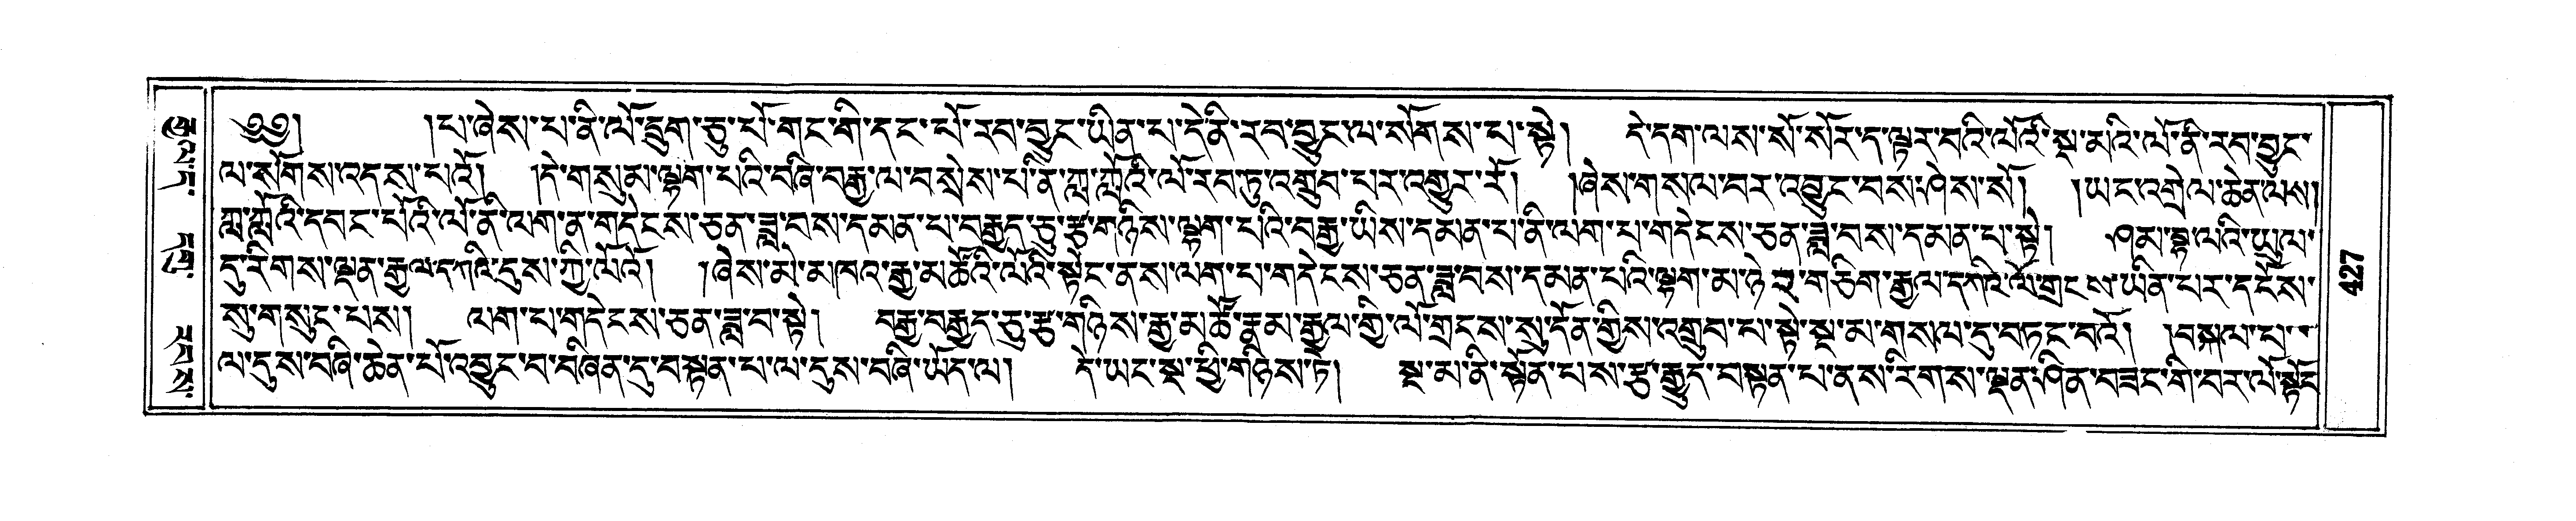༄༅། །པ་ཞེས་པ་ནི་ལོ་དྲུག་ཅུ་པོ་གང་གི་དང་པོ་རབ་བྱུང་ཡིན་པ་དེ་ནི་རབ་བྱུང་ལ་སོགས་པ་སྟེ། དེ་དག་ལས་སོ་སོར་ད་ལྟར་བའི་ལོའི་སྔ་མའི་ལོ་ནི་རབ་བྱུང་
ལ་སོགས་འདས་པའོ། །དེ་གསུམ་ལྷག་པའི་བཞི་བརྒྱ་ལ་བསྲེས་པ་ནི་ཀླ་ཀློའི་ལོ་རབ་ཏུ་འགྲུབ་པར་འགྱུར་རོ། །ཞེས་གསལ་བར་འབྱུང་བས་ཤེས་སོ། །ཡང་འགྲེལ་ཆེན་ལས།
ཀླ་ཀློའི་དབང་པོའི་ལོ་ནི་ལག་ན་གདེངས་ཅན་ཟླ་བས་དམན་པ་བརྒྱད་ཅུ་རྩ་གཉིས་ལྷག་པའི་བརྒྱ་ཡིས་དམན་པ་ནི་ལག་པ་གདེངས་ཅན་ཟླ་བས་དམན་པ་སྟེ། ཤམ་བྷ་ལའི་ཡུལ་
དུ་རིགས་ལྡན་རྒྱལ་དཀའི་དུས་ཀྱི་ལོའོ། །ཞེས་མེ་མཁའ་རྒྱ་མཚོའི་ལོའི་སྟེང་ནས་ལག་པ་གདེངས་ཅན་ཟླ་བས་དམན་པའི་ལྷག་མ་ཉེར་གཅིག་རྒྱལ་དཀའི་ལོ་གྲངས་ཡིན་པར་དངོས་
སུ་གསུང་པས། ལག་པ་གདེངས་ཅན་ཟླ་བ་སྟེ། བརྒྱ་བརྒྱད་ཅུ་རྩ་གཉིས་རྒྱ་མཚོ་རྣམ་རྒྱལ་གྱི་ལོ་གྲངས་སུ་དོན་གྱིས་འགྲུབ་པ་སྟེ་སྔ་མ་གསལ་དུ་བཏང་བའོ། །བསྐལ་པ་
ལ་དུས་བཞི་ཆེན་པོ་འབྱུང་བ་བཞིན་དུ་བསྟན་པ་ལ་དུས་བཞི་ཡོད་ལ། དེ་ཡང་སྔ་ཕྱི་གཉིས་ཏེ། སྔ་མ་ནི་སྟོན་པས་རྩ་རྒྱུད་བསྟན་པ་ནས་རིགས་ལྡན་ཤིན་བཟང་གི་བར་ལོ་སྟོང་